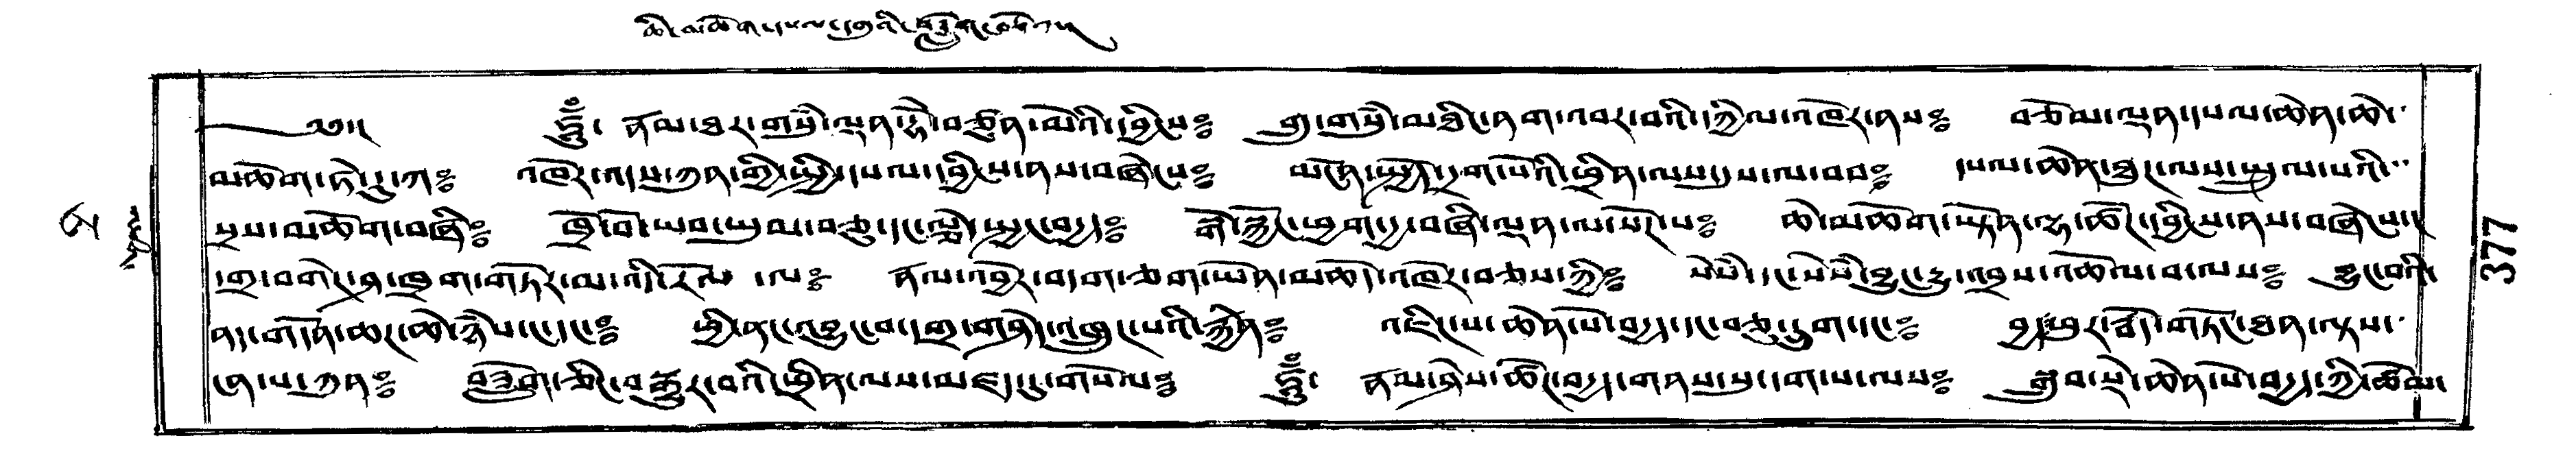༄༅། ཆེ་མཆོག་དཔལ་དགུའི་བཟློག་བཅོལ། ཧཱུྃ༔ རྣམ་ཐར་གསུམ་ལྡན་རྡོ་རྗེ་བཙུན་མོའི་དབྱིངས༔ གྲུ་གསུམ་མཐིང་ནག་འབར་བའི་དཀྱིལ་འཁོར་ནས༔ བཅོམ་ལྡན་དཔལ་ཆེན་ཆེ་
མཆོག་ཧེ་རུ་ཀ༔ འཁོར་འདས་ཀུན་གྱི་སྤྱི་དཔལ་དབྱིངས་ནས་བཞེངས༔ མངོན་སྤྱོད་དྲག་པོའི་ཕྲིན་ལས་དུས་ལ་བབ༔ དཔལ་ཆེན་ཐུགས་ལས་སྤྲུལ་པའི་
སྲས་མཆོག་བཞི༔ ཁྲོ་བོ་ཡབ་ཡུམ་བཅུ་དང་ལྕེ་སྤྱང་བརྒྱད༔ སྒོ་སྐྱོང་ཕྱག་རྒྱ་བཞི་ལྡན་ལ་སོགས་པ༔ ཆེ་མཆོག་ཡོན་ཏན་ལྷ་ཚོགས་དབྱིངས་ནས་བཞེངས༔ 
དགྲ་བགེགས་ཤ་ཁྲག་གཏོར་མ་འདི་རོལ་ལ༔ རྣལ་འབྱོར་བདག་ཅག་ཡོན་མཆོད་འཁོར་བཅས་ཀྱི༔ སེམས་དང་སེམས་བྱུང་རྒྱུ་འབྲས་འཆོལ་བ་ལས༔ བྱུང་བའི་
ནད་གདོན་ཆག་ཆེ་ཉམ་ང་དང༔ ཕྱི་ནང་འབྱུང་བ་དགྲ་གཤེད་འཁྲུགས་པའི་རྐྱེན༔ འཇིགས་པ་ཆེན་པོ་བརྒྱད་དང་བཅུ་དྲུག་དང༔ བྱད་ཕུར་རྦོད་གཏོང་ཐན་ལྟས་
ངན་པ་ཀུན༔ ཟློག་ཅིང་སྒྱུར་བའི་ཕྲིན་ལས་མཛད་དུ་གསོལ༔ ཧཱུྃ༔ རྣམ་ཤེས་ཚོགས་བརྒྱད་གནས་སུ་དག་པ་ལས༔ སྒྲུབ་སྡེ་ཆེན་པོ་བརྒྱད་ཀྱི་ཚོམ་